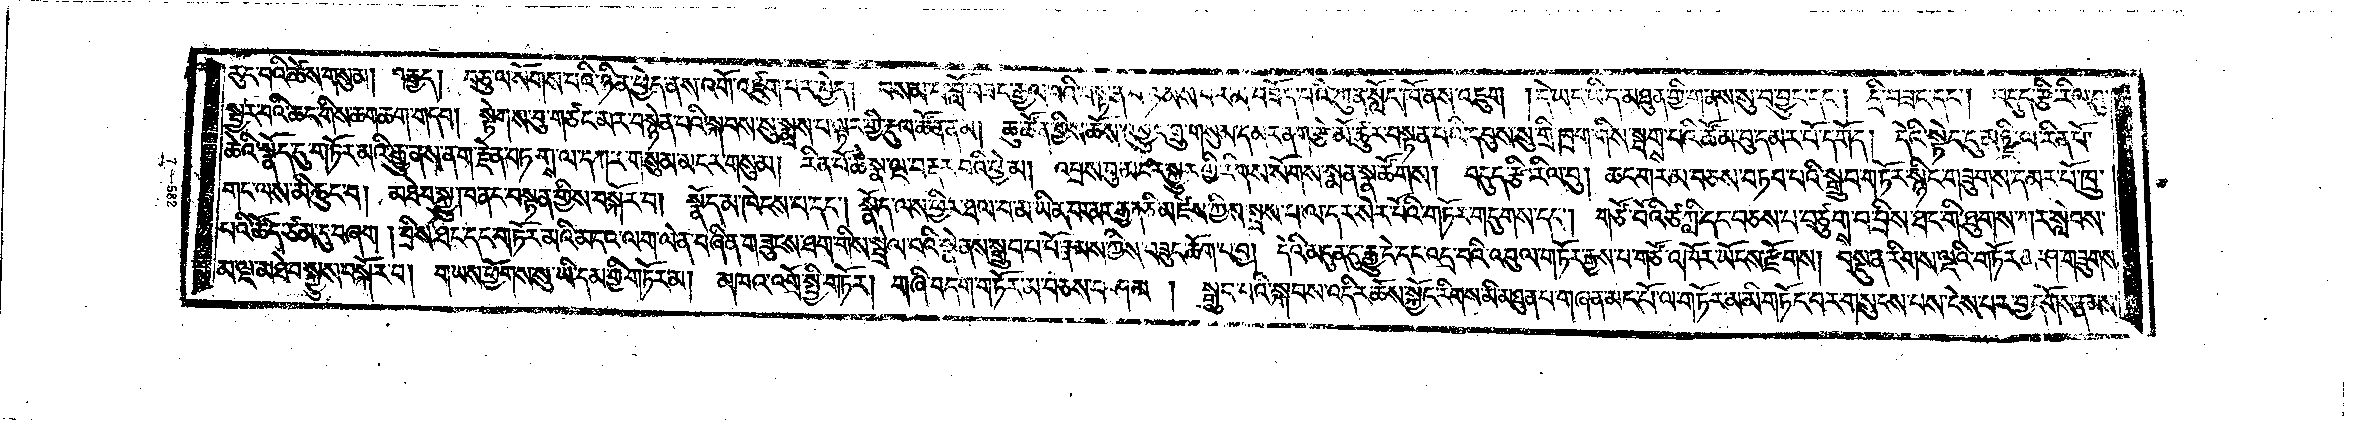རུང་བའི་ཚེས་གསུམ། བརྒྱད། བཅུ་ལ་སོགས་པའི་ཉིན་ཕྱེད་ནས་འགོ་འཛུག་པར་བྱེད། བསམ་པ་བློ་བཟང་རྒྱལ་བའི་བསྟན་པ་ཉམས་པར་མ་བཟོད་པའི་ཀུན་སློང་ཁོ་ནས་འཇུག །དེ་ཡང་ཡིད་མཐུན་གྱི་གནས་སུ་བ་བྱུང་དང་། དྲི་བཟང་དང་། བདུད་རྩི་རིལ་བུ་
སྦྱར་བའི་ཆད་གིས་ཆག་ཆག་གདབ། སྟེགས་བུ་གཙང་མར་བསྙེན་པའི་སྐབས་སུ་སྨྲས་པ་ལྟར་གྱི་རྡུལ་ཚོན་ནམ། ཆུ་ཚོན་གྱིས་ཆོས་འབྱུང་གྲུ་གསུམ་དམར་ནག་རྩེ་མོ་ཚུར་བསྟན་པའི་དབུས་སུ་གྲི་ཁྲག་གིས་སྤགས་པའི་ཚོམ་བུ་དམར་པོ་དགོད། དེའི་སྟེང་དུ་མཉྫི་ལ་རིན་པོ་
ཆེའི་སྣོད་དུ་གཏོར་མའི་རྒྱུ་ནས་ནག་རྗེན་བཏགས་ལ་དཀར་གསུམ་མངར་གསུམ། རིན་པོ་ཆེ་སྣ་ལྔ་བརྡར་བའི་ཕྱེ་མ། འབྲས་བུ་མངར་སྐྱུར་གྱི་རིགས་སོགས་སྨན་སྣ་ཚོགས། བདུད་རྩི་རིལ་བུ། ཆང་གར་མ་བཅས་བཏབ་པའི་སྒྲུབ་གཏོར་སྙིང་གཟུགས་དམར་པོ་ཁྲུ་
གང་ལས་མི་ཆུང་བ། མཐེབ་སྐྱུ་ཁ་ནང་བསྟན་གྱིས་བསྐོར་བ། སྣོད་མ་ཁེངས་པ་དང་། སྣོད་ལས་ཕྱིར་ཐལ་བ་མ་ཡིན་པར་མར་རྒྱན་ཅི་མཛེས་ཀྱིས་སྤྲས་པ་ལ་དར་སེར་པོའི་གཏོར་གདུགས་དང་། གཙོ་བོའི་ཙཀླི་དང་བཅས་པ་བཙུགས་པ་བྲིས་ཐང་གི་ཐུགས་ཀར་སླེབས་
བའི་ཚོད་ཙམ་དུ་བཞག །བྲིས་ཐང་དང་གཏོར་མའི་མདའ་ལག་ལེན་བཞིན་གཟུངས་ཐག་གིས་སྦྲེལ་བའི་སྣེ་ནས་སྒྲུབ་པ་པོ་རྣམས་ཀྱིས་བཟུང་ཆོག་པ་བྱ། དེའི་མདུན་དུ་རྒྱུ་དེ་དང་འདྲ་བའི་འབུལ་གཏོར་རྒྱས་པ་གཙོ་འཁོར་ཡོངས་རྫོགས། བསྡུ་ན་རིགས་ལྔའི་གཏོར་མ་ཤ་གཟུགས་
མ་ལྔ་མཐེབ་སྐྱུས་བསྐོར་བ། གཡས་ཕྱོགས་སུ་ཡི་དམ་གྱི་གཏོར་མ། མཁའ་འགྲོ་སྤྱི་གཏོར། གཞི་བདག་གཏོར་མ་བཅས་བཤམ། སྒྲུབ་པའི་སྐབས་འདིར་ཆོས་སྐྱོང་རིགས་མི་མཐུན་པ་གཞན་མང་པོ་ལ་གཏོར་མ་མི་གཏོང་བར་གསུངས་པས་ངེས་པར་བྱ་དགོས་རྣམས་